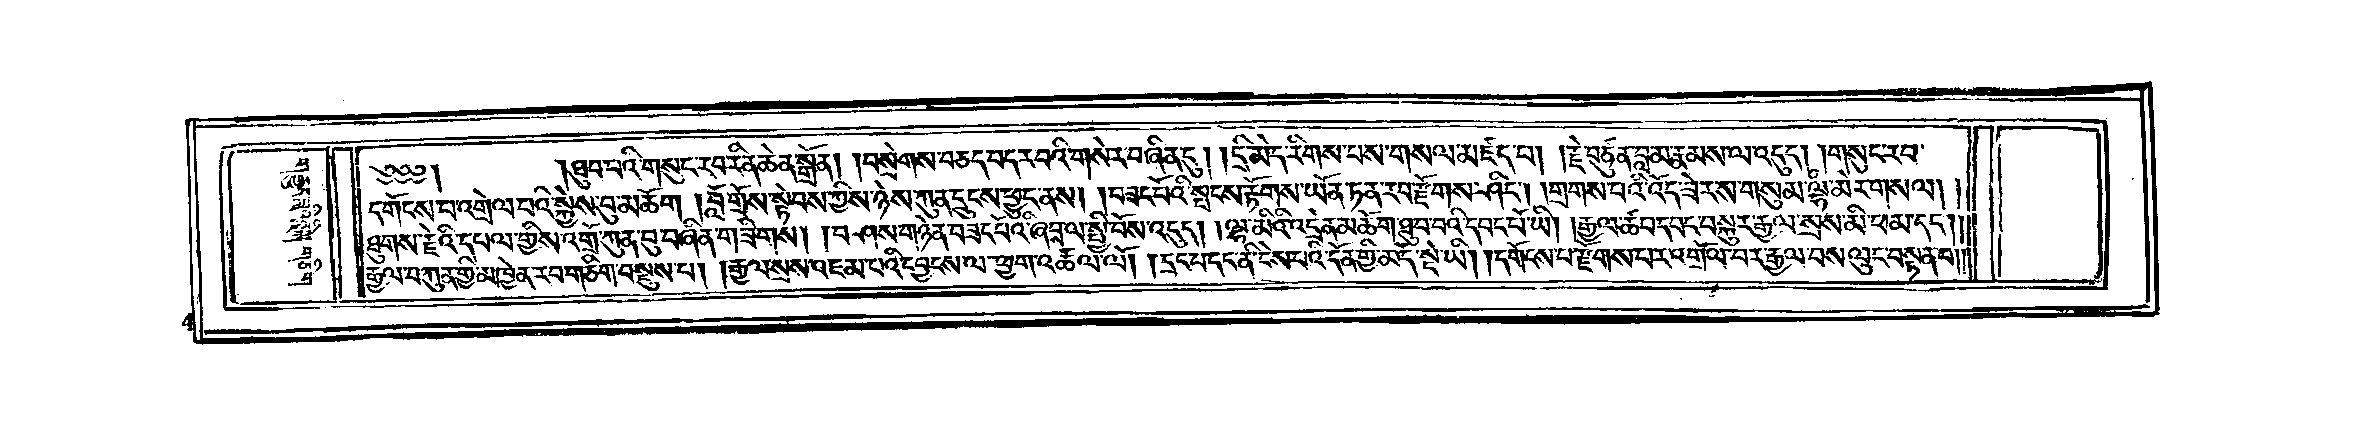༄༅༅། །ཐུབ་པའི་གསུང་རབ་རིན་ཆེན་སྒྲོན། །བསྲེགས་བཅད་བདར་བའི་གསེར་བཞིན་དུ། །དྲི་མེད་རིགས་པས་གསལ་མཛད་པ། །རྗེ་བཙུན་བླ་མ་རྣམས་ལ་འདུད། །གསུང་རབ་
དགོངས་པ་འགྲེལ་པའི་སྐྱེས་བུ་མཆོག །བློ་གྲོས་སྟོབས་ཀྱིས་ཉེས་ཀུན་དྲུངས་ཕུང་ནས། །བཟང་པོའི་སྤངས་རྟོགས་ཡོན་ཏན་རབ་རྫོགས་ཤིང་། །གྲགས་པའི་འོད་ཟེར་ས་གསུམ་ལྷམ་མེར་གསལ། །
ཐུགས་རྗེའི་དཔལ་གྱིས་འགྲོ་ཀུན་བུ་བཞིན་གཟིགས། །བཤས་གཉེན་བཟང་པོའི་ཞབས་ལ་སྤྱི་བོས་འདུད། །ལྷ་མིའི་འདྲེན་མཆོག་ཐུབ་པའི་དབང་པོ་ཡི། །རྒྱལ་ཚབ་དབང་བསྐུར་རྒྱལ་སྲས་མི་ཕམ་དང་། །
རྒྱལ་བ་ཀུན་གྱི་མཁྱེན་རབ་གཅིག་བསྡུས་པ། །རྒྱལ་སྲས་འཇམ་པའི་དབྱངས་ལ་ཕྱག་འཚལ་ལོ། །དྲང་བ་དང་ནི་ངེས་པའི་དོན་གྱི་མདོ་སྡེ་ཡི། །དགོངས་པ་རྫོགས་པར་འགྲོལ་བར་རྒྱལ་བས་ལུང་བསྟན་པ། །